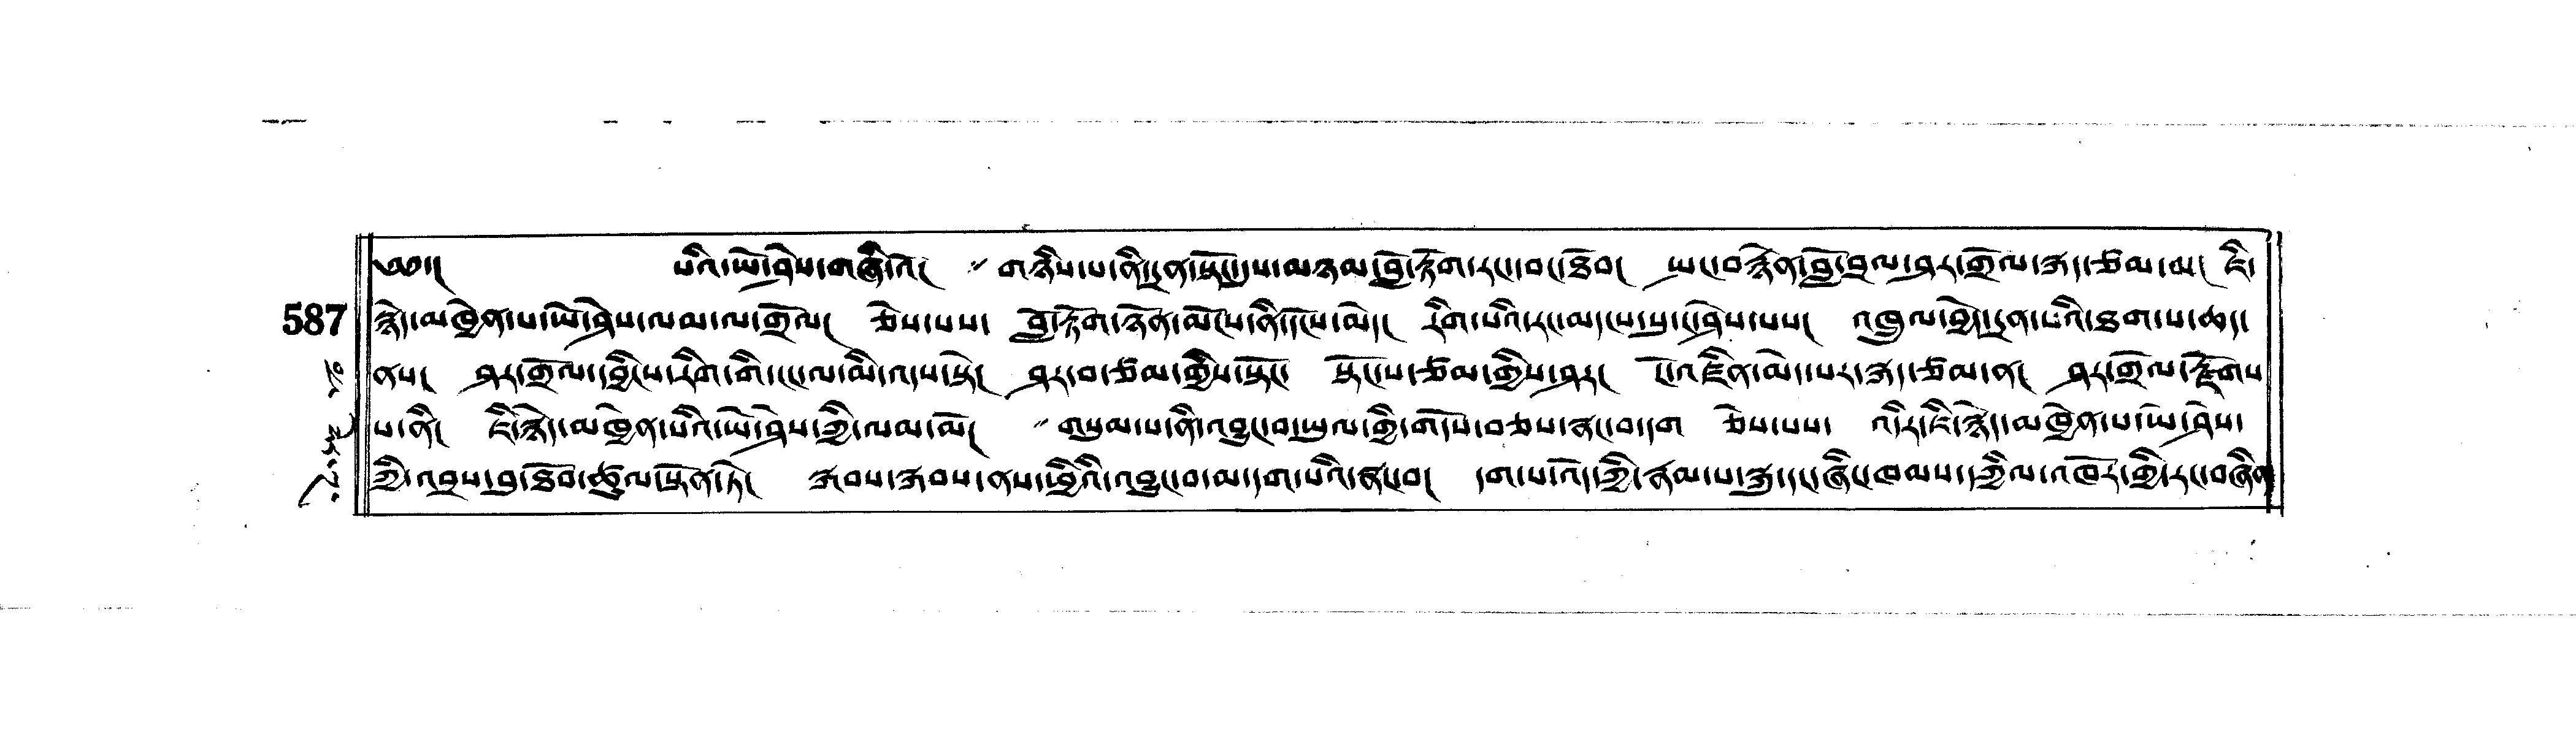པའི་ཡེ་ཤེས་གཞིའོ། གཉིས་པ་ནི་དྲན་སྟོང་དུས་མཉམ་བློ་རྟོག་རང་དབང་ཐོབ། སྤང་གཉེན་བློ་བྲལ་ཤར་གྲོལ་སྐད་ཙམ་མ། ཇི་
སྙེད་མཁྱེན་པ་ཡེ་ཤེས་ལམ་ལ་གྲོལ། ཅེས་པས། བློ་རྟོག་ཉོན་མོངས་ནི་དངོས་མེད། རིག་པའི་རང་མདངས་སུ་ང་ཤེས་པས། འཁྲུལ་བྱེད་དྲན་པའི་ཐག་པ་ཆད་
ནས། ཤར་གྲོལ་དབྱིངས་རིག་གི་ངང་ལས་མི་འདའ་སྟེ། ཤར་བ་ཙམ་གྱིས་སྟོང་། སྟོང་པ་ཙམ་གྱིས་ཤར། ངོ་འཛིན་མེད་པར་སྐད་ཙམ་ན། ཤར་གྲོལ་རྫོགས་
པ་ནི། ཇི་སྙེད་མཁྱེན་པའི་ཡེ་ཤེས་ཀྱི་ལམ་མོ། ༧ གསུམ་པ་ནི་འབྱུང་བ་ཡུལ་གྱི་གདོས་བཅས་སྣང་བ་དག ཅེས་པས། འདིར་ཇི་སྙེད་མཁྱེན་པའི་ཡེ་ཤེས་
ཀྱི་འབྲས་བུ་འཐོབ་ཚུལ་སྟོན་ཏེ། སྐབས་སྐབས་ནས་ཕྱི་ཡི་འབྱུང་བ་མ་དག་པའི་སྣང་བ། དག་པ་འོད་ཀྱི་རྣམ་པ་སྐུ་དང་ཞིང་ཁམས་དཀྱིལ་འཁོར་གྱི་རང་བཞིན་